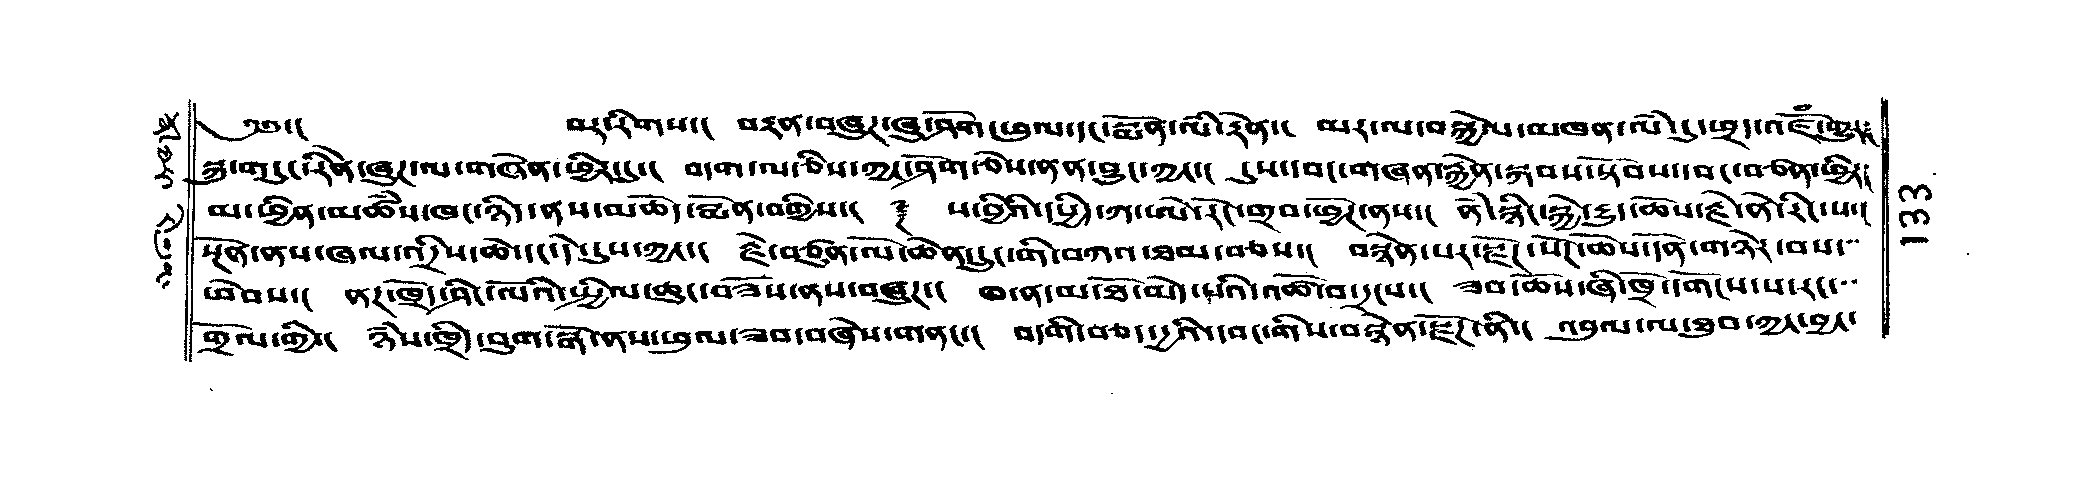བར་རིགས། །བརྟན་བཞུགས་ཞུ་ཤོག་ཕུལ་དང་སྨོན་ལམ་རྟེན། །མར་ལ་བསྐྱེལ་མཁན་ལམ་དུ་ཕྲད་འཛོམ་གྱུར། །
སྐུ་གདུང་རིན་ཆེན་ཞུགས་ལ་ཞེན་ཕྱིར་དུ། །བདག་ལ་ཅིས་ཀྱང་ཤོག་ཅེས་ནན་བྱུང་ཀྱང་། །དུས་དབང་གཞན་རྐྱེན་སྐབས་སྟོབས་དབང་བཙན་ཕྱིར། །
མ་ཕྱིན་མཚམས་ཁང་ཉིད་ནས་མཆོད་སྨོན་བགྱིས། །ས་བྱིའི་དཔྱིད་ཀ་ཨེ་རོང་གྲབ་ཕྱོགས་ནས། །ནམ་སྙིང་སྐྱེ་རྒྱུད་ཆོས་རྗེ་ནེ་རིང་པ། །
སྔོན་ནས་ཞལ་འདྲིས་ཆེ་དང་དེ་དུས་ཀྱང་། །རྗེ་བཙུན་ལོ་ཆེན་དྲུང་གི་བཀའ་ཐམ་བཅས། །བསྙེན་པར་རྫོགས་སོགས་ཆོས་དོན་གཉེར་བས་
ཕེབས། །ནགས་ཁྲོད་ཤིང་ལོའི་སྤྱིལ་ཆུང་བཟོས་ནས་བཞུགས། །ཁ་ན་མ་ཐོ་མེད་པའི་འཚོ་བ་དྲངས། །ཟབ་ཆོས་ཞི་ཁྲོ་དགོངས་པ་རང་
གྲོལ་གྱི། །ཉམས་ཁྲིད་བུག་སྒོ་ནས་ཕུལ་ཟབ་བཞེས་གནང་། །བདག་ནི་བཅད་རྒྱའི་དབང་གིས་བསྙེན་རྫོགས་ནི། །འབུལ་མ་ཐུབ་ཀྱང་བྱང་